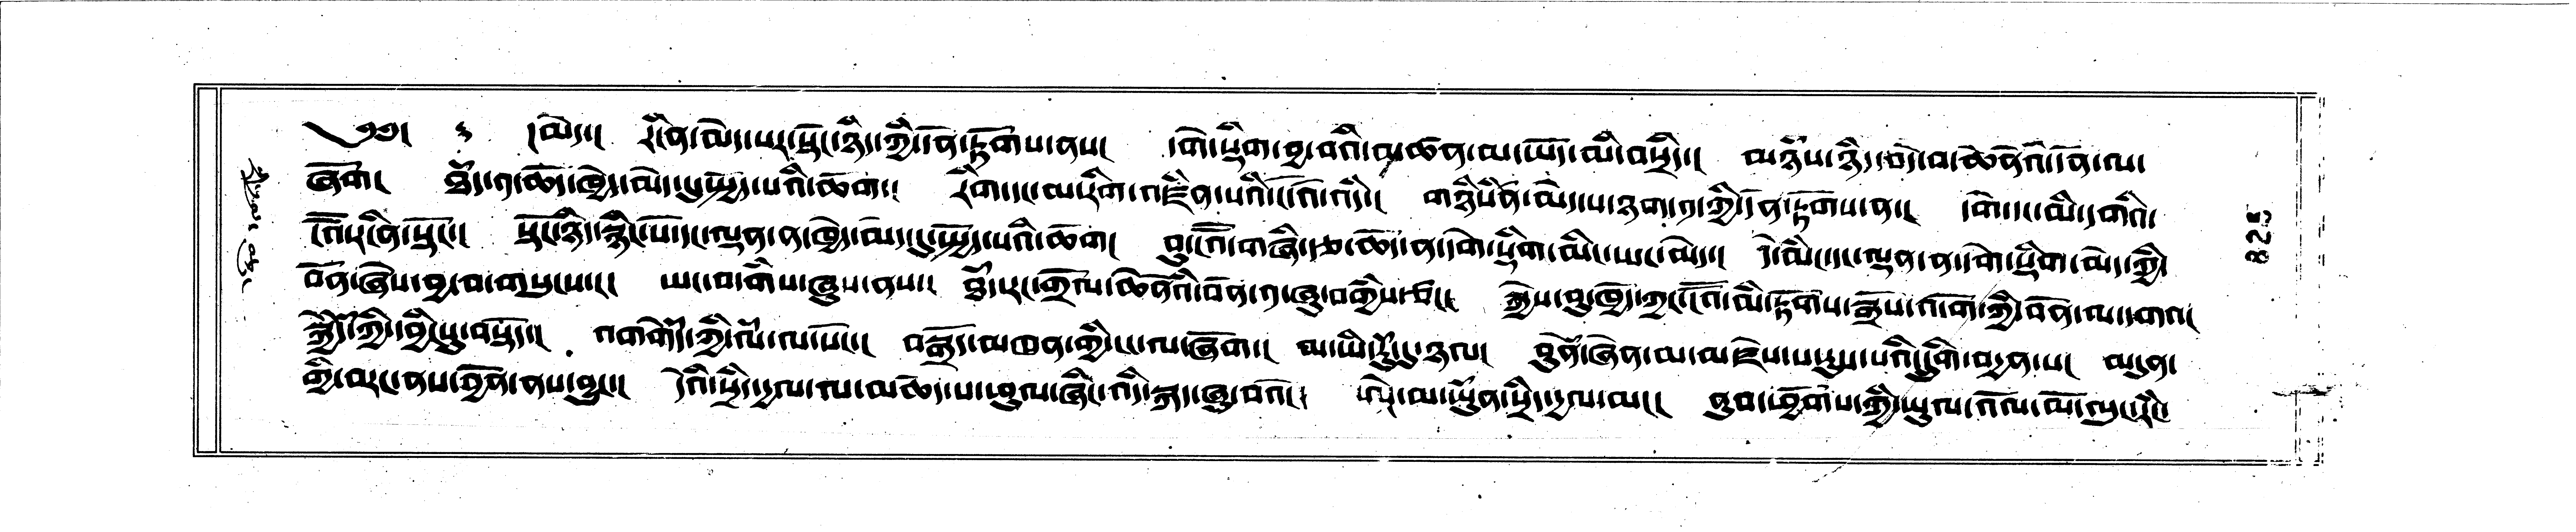མེད། །རང་བཞིན་མེད་པར་སྟོང་ཉིད་ཀྱི་དོན་རྟོགས་ནས། །དགེ་སྡིག་བྱ་བའི་མཚན་མ་ཡོད་མི་སྲིད། །མཉམ་ཉིད་བདེ་བ་ཆེན་པོའི་དོན་ལ་
ཞོག །ཐམས་ཅད་གཅིག་ཆོད་ཁྱད་མེད་དུ་སྤྱོད་པའི་ཆོག །རིག་དང་མ་རིག་འཛིན་པའི་ངོའོ་འདི། །གཉིས་འཛིན་མེད་པ་ཉག་གཅིག་གི་དོན་རྟོགས་ན། །དགེ་དང་མི་དགེའི་
ངོའོ་རང་བཞིན་སྟོང་། །སྟོང་ཉིད་སྙིང་པོ་དང་ལྡན་ན་ཁྱེད་༼ཁྱད༽མེད་དུ་སྤྱོད་པས་ཆོག བུ་ངོའོ་གཞི་རྩ་ཆོད་ན་དགེ་སྡིག་མིང་ཡང་མེད། དེ་མིང་དང་ལྡན་ན་དགེ་སྡིག་མེད་ཀྱི་
ན་ཞེས་བྱ་བ་གསུངས། ཡང་བདག་གིས་ཞུས་ནས། ཐམས་ཅད་རང་གྲོལ་ཆེན་པོའི་བོན་གཅིག་ཞུ་བགྱིས་ཙ། སྐྱེས་བུ་ཁྱེད་ཀྱང་ངོའོ་མི་རྟོག་སྒྲོས་འདོགས་ཀྱི་བོན་ལ་དགའ། 
སྐྱེ་མེད་ཀྱི་དབྱིངས་སུ་བསྟོད། འགག་མེད་ཀྱི་ལམ་ལ་སོང་། བགྲོད་མཁན་གྱི་ངང་ལ་ཞོག མ་ཡི་རུམ་དུ་ཉལ། བུད་མེད་ཞེན་མ་མཛེས་པ་རུས་པའི་རྒྱན་དྲུག་གིས་བརྒྱན་པ། མདུན་
གྱི་བར་སྣང་ནས་བྱོན་ནས་བྱུང་། དེས་སྲིད་རྒྱལ་ལ་མཆོད་པ་ཕུལ་ཞིང་འདི་སྐད་ཞུ་བའོ། །ཨེ་མ་ཡུམ་ཆེན་སྲིད་རྒྱལ་མ། ནུབ་ཕྱོགས་ཀྱི་ཡུལ་འོལ་མོ་ལུང་རིང་